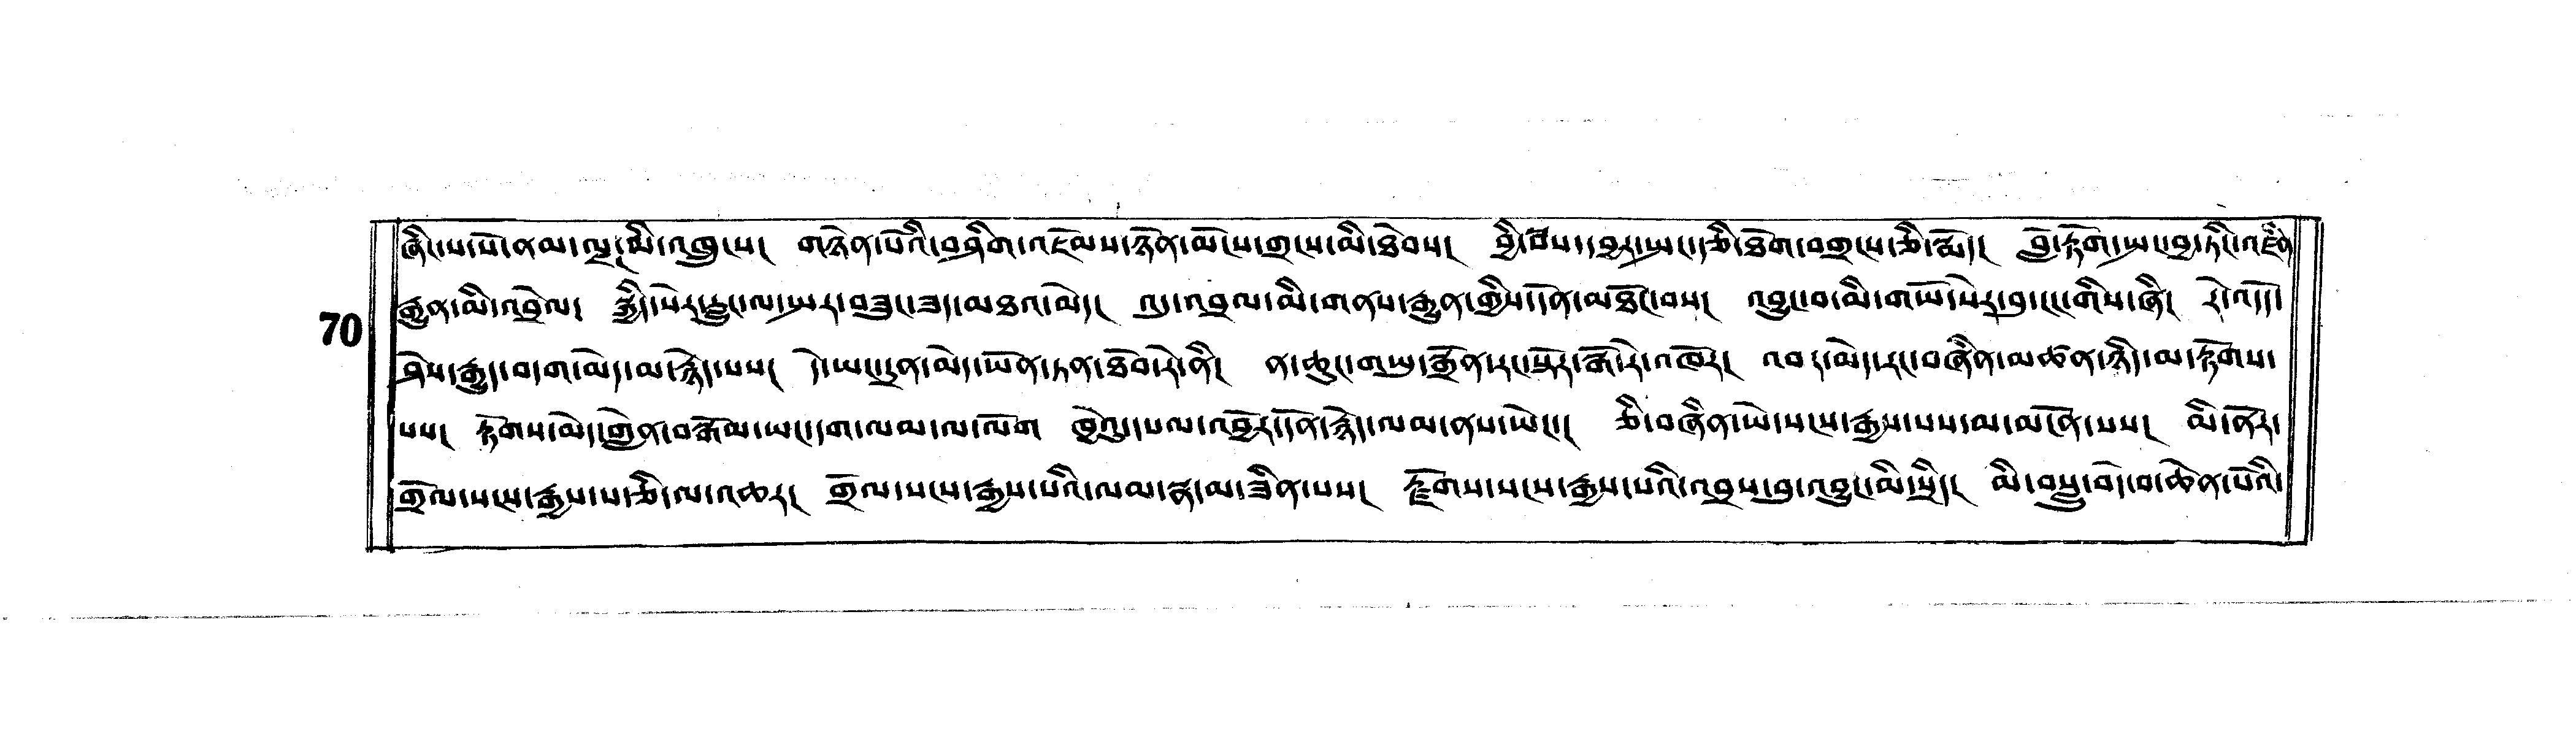ཞིང་པ་སོ་ནམ་ལྗང་མི་འཁྲུངས། གཉེན་པོའི་བཤིག་འཇོམས་ཉོན་མོངས་གྲངས་མི་ཐེབས། བྱི་སྦས་དབྱར་སྤང་རྩི་ཐོག་བགྲང་ཅི་སྨོད། བློ་རྟོག་སྤང་བྱ་ཏིང་འཛིན་
རྒྱུན་མི་འབྲེལ། སྐྱེ་སེར་རླུང་ལ་སྤར་བཟུང་ཟད་མཐའ་མེད། འདུ་འབྲལ་མི་གནས་རྒྱུན་གྱི་དོན་མཐོང་བས། འབྱུང་བ་མི་གཡོ་སེར་བུ་ངང་གིས་ཞི། རེ་འདོད་
ཤེས་རྒྱུད་བདག་མེད་མ་རྙེད་པས། དེ་ཡང་དྲན་མེད་ཡོན་ཏན་ཐོབ་རེ་ནི། ན་ཆུང་གཡུ་སྒྲོན་རང་སྟོར་སྒོ་རེ་འཁོར། འབད་མེད་རང་བཞིན་མཚན་ཉིད་མ་རྟོགས་
པས། རྟོགས་མེད་གླེན་སྒོམ་ཡང་དག་ལམ་ལ་ལོག ཁྱེའུ་དཔལ་འབྱོར་དོན་རྙེད་ལམ་ནས་ཡེངས། ཅི་བཞིན་ཡེ་སངས་རྒྱས་པས་མ་མངོན་པས། མི་ནོར་
གྲོལ་སངས་རྒྱས་པ་ཅི་ལ་འཆར། གྲོལ་སངས་རྒྱས་པའི་ལམ་སྣ་མ་ཟིན་པས། རྫོགས་སངས་རྒྱས་པའི་འབྲས་བུ་འབྱུང་མི་སྲིད། མི་བསླུ་བདེ་བ་ཆེན་པོའི་